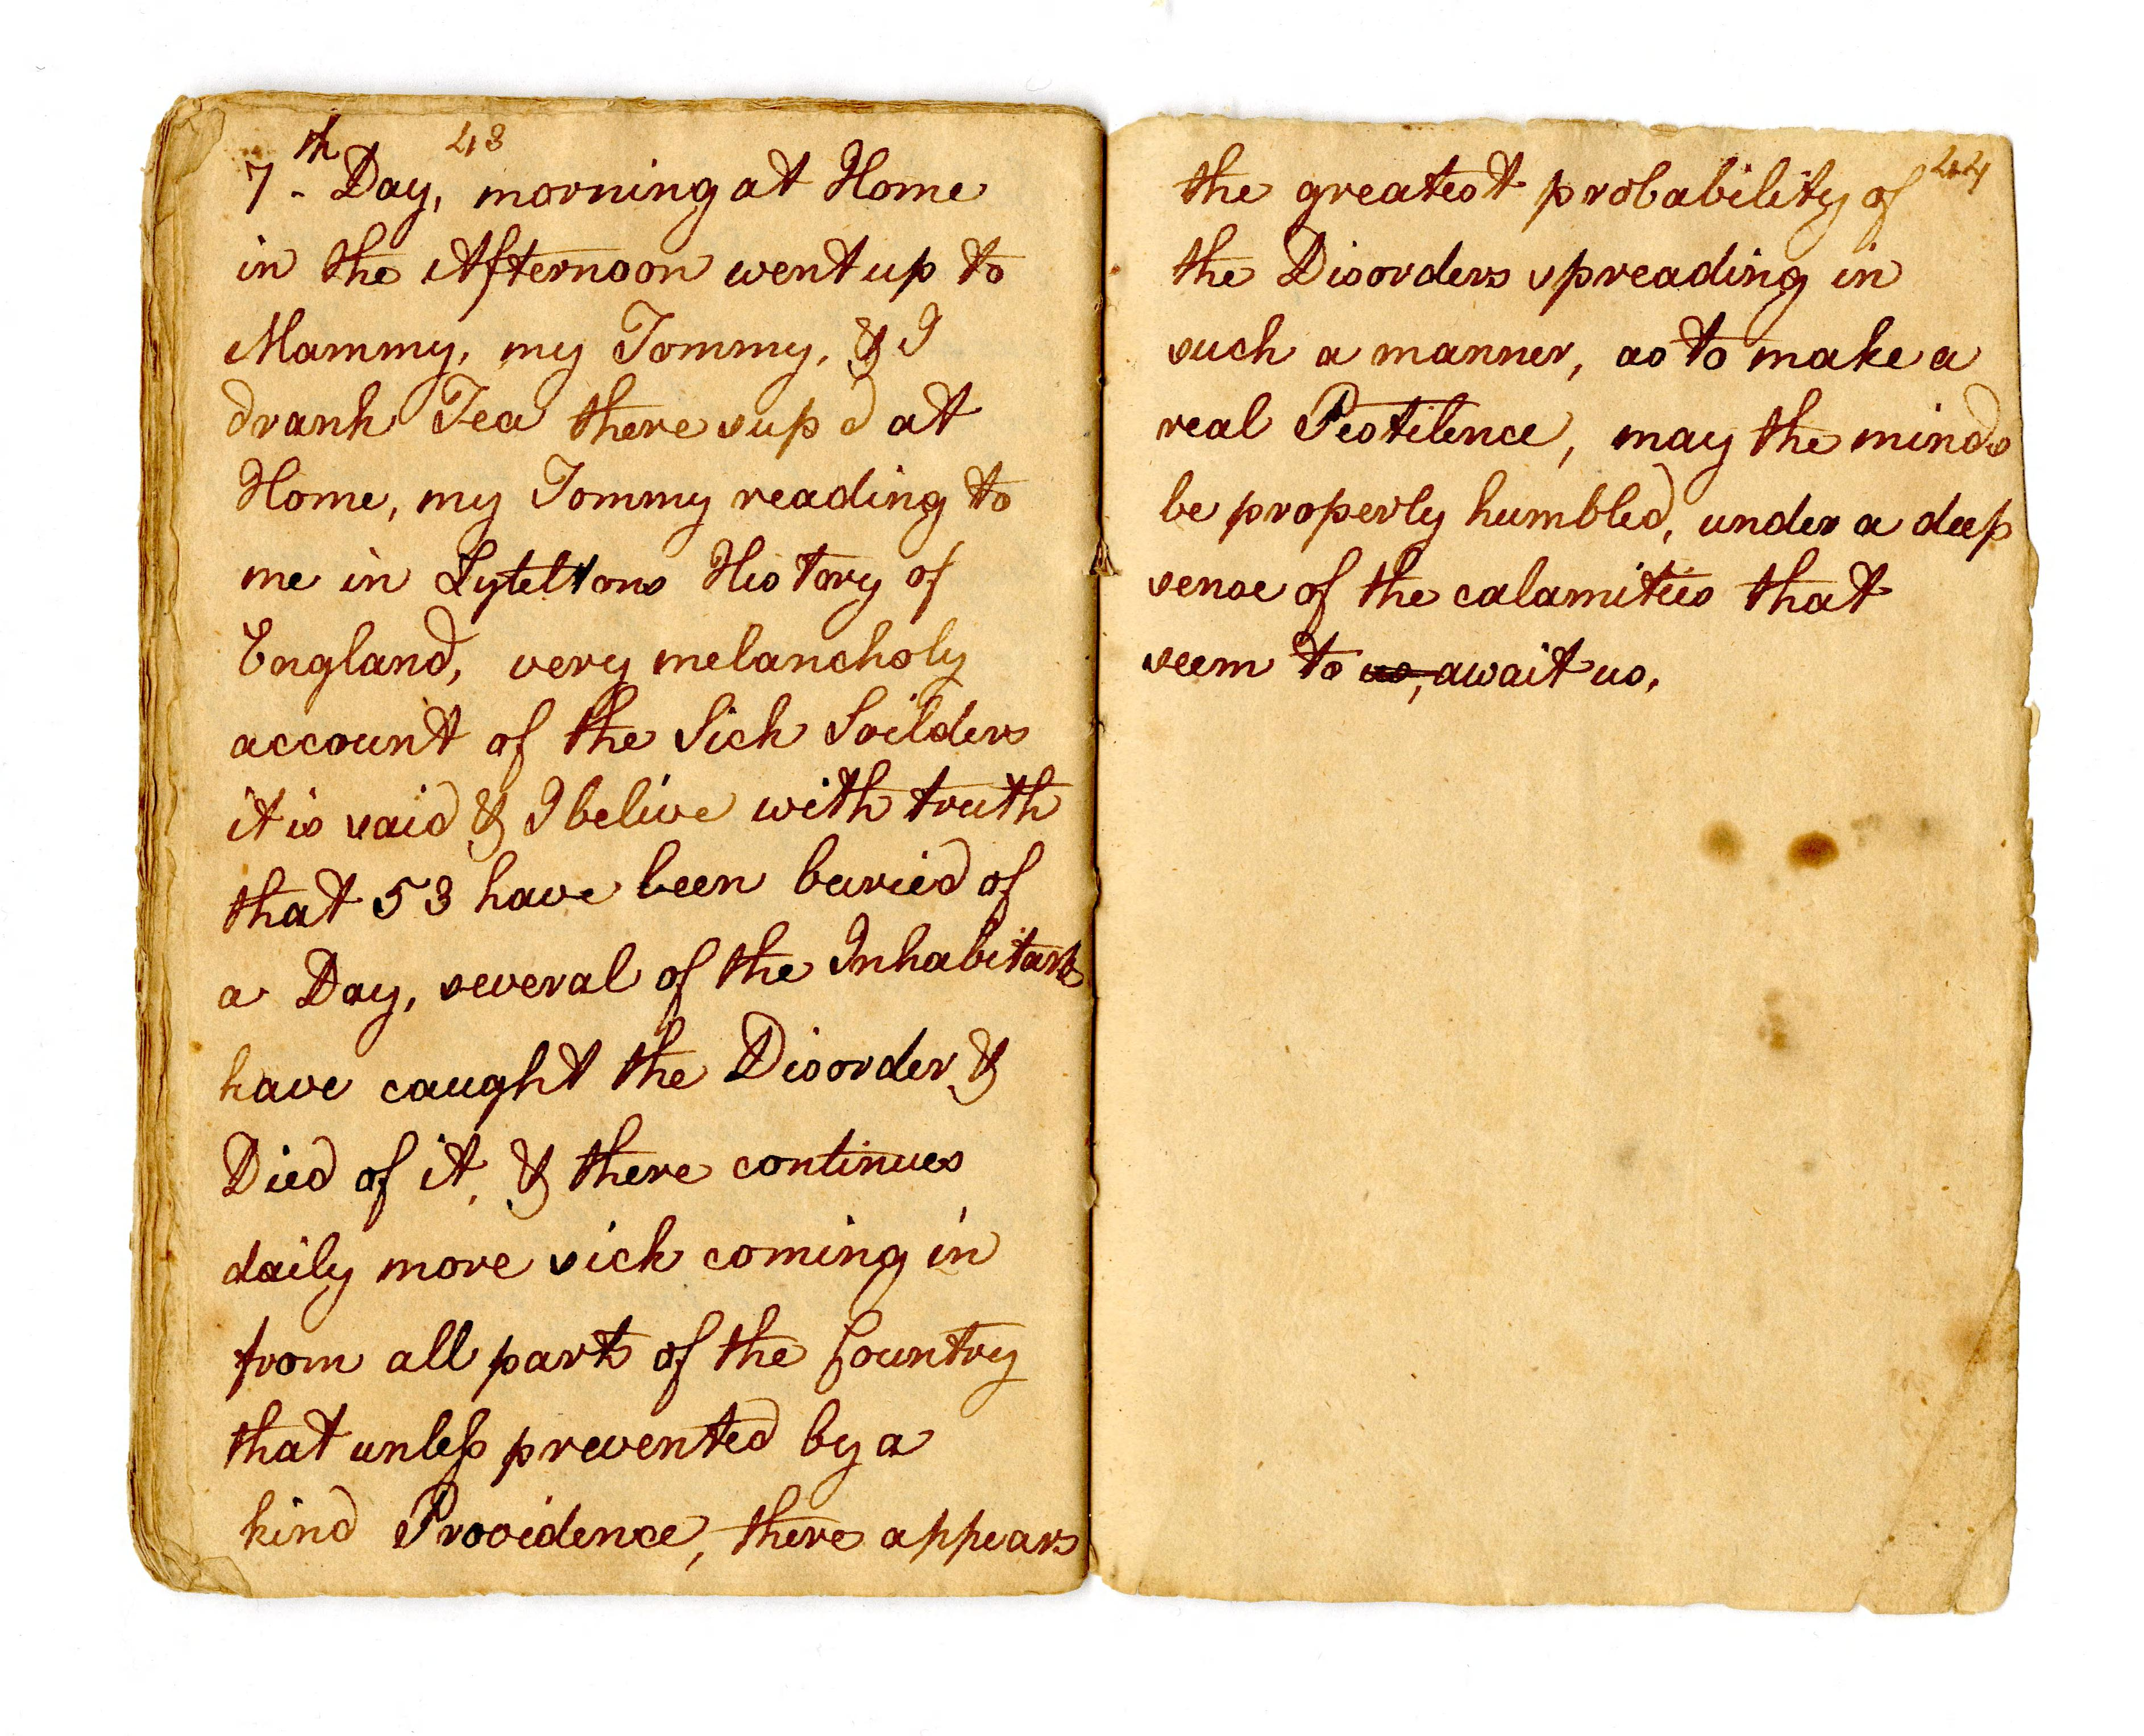43
7^th Day, morning at Home
in the Afternoon went up to
Mammy, my Tommy, & I
drank Tea there supd at
Home, my Tommy reading to
me in Lyteltons History of
England, very melancholy
account of the Sick Soldiers
it is said & I belive with truth
that 53 have been buried of
a Day, several of the Inhabitants
have caught the Disorder &
Died of it, & there continues
daily more sick coming in
from all parts of the Country
that unless prevented by a
kind Providence, there appears
the greatest probability of
the Disorders spreading in
such a manner, as to make a
real Pestilence, may the minds
be properly humbled, under a deep
sense of the calamities that
seem to [us], await us.